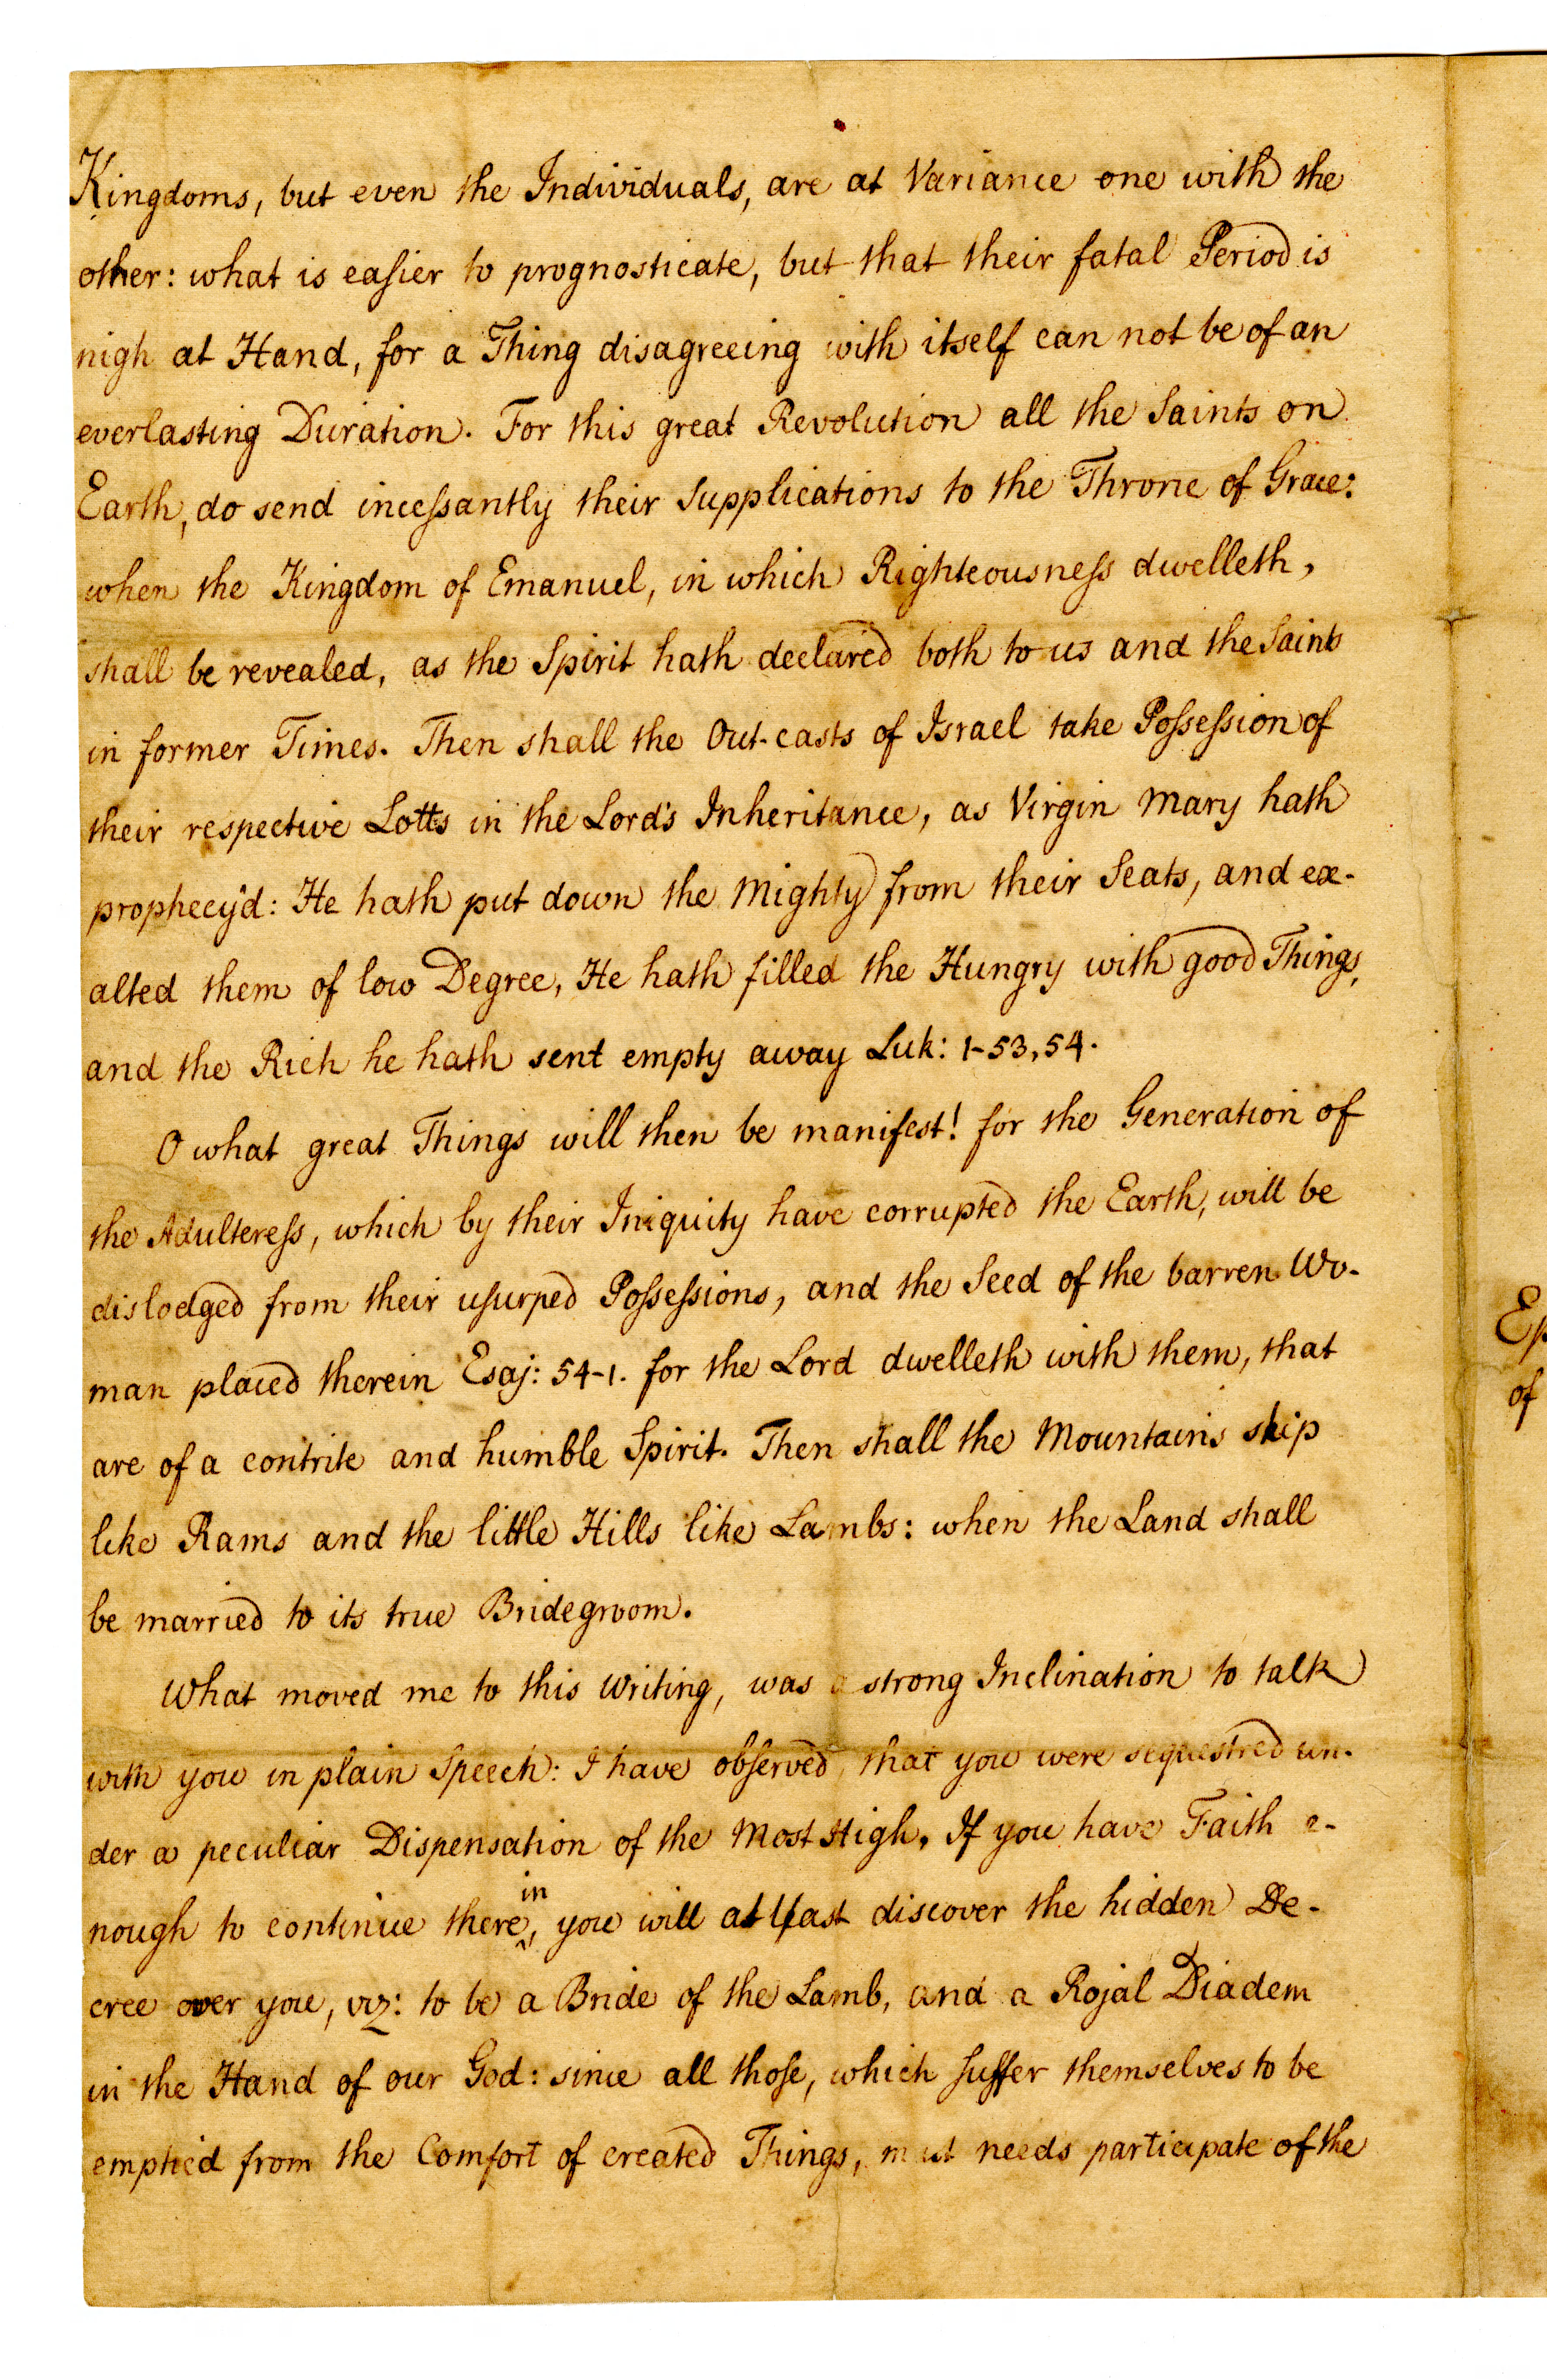Kingdoms, but even the Individuals, are at the Variance one with the
other: what is easier to prognosticate, but that their fatal Period is
nigh at Hand, for a Thing disagreeing with itself can not be of an
everlasting Duration. For this great Revolution all the Saints on
Earth, do send incessantly their supplications to the Throne of Grace:
when the Kingdom of Emanuel, in which Righteousness dwelleth,
shall be revealed, as the Spirit hath declared both to us and the Saints
in former Times. Then shall the out-casts of Israel take Possession of
their respective Lotts in the Lord’s Inheritance, as Virgin Mary hath
prophecy'd: He hath put down the Mighty from their Seats, and ex-
alted them of low Degree, He hath filled the Hungry with good Things,
and the Rich hath sent empty away Luk: 1-53,54.
O what great Things will then be manifest! For the Generation of
the Adulteress, which by their Iniquity have corrupted the Earth, will be
dislodged from their usurped Possessions, and the seed of the barren Wo-
man placed therein Esaj: 54-1. for the Lord dwelleth with them, that
are of a contrite and humble Spirit. Then shall the Mountains skip
like Rams and the little Hills like Lambs: when the Land shall
be married to its true Bridegroom.
What moved me to this writing, was a strong Inclination to talk
with you in plain Speech: I have observed that you were sequestered un-
der a peculiar Dispensation of the Most High, If you have Faith e-
in
nough to continue there ^ you will at last discover the hidden De-
cree over you, viz: to be a Bride of the Lamb, and a Royal Diadem
in the Hand of our God: since all those, which suffer themselves to be
emptied from the comfort of created Things, must needs participate of the